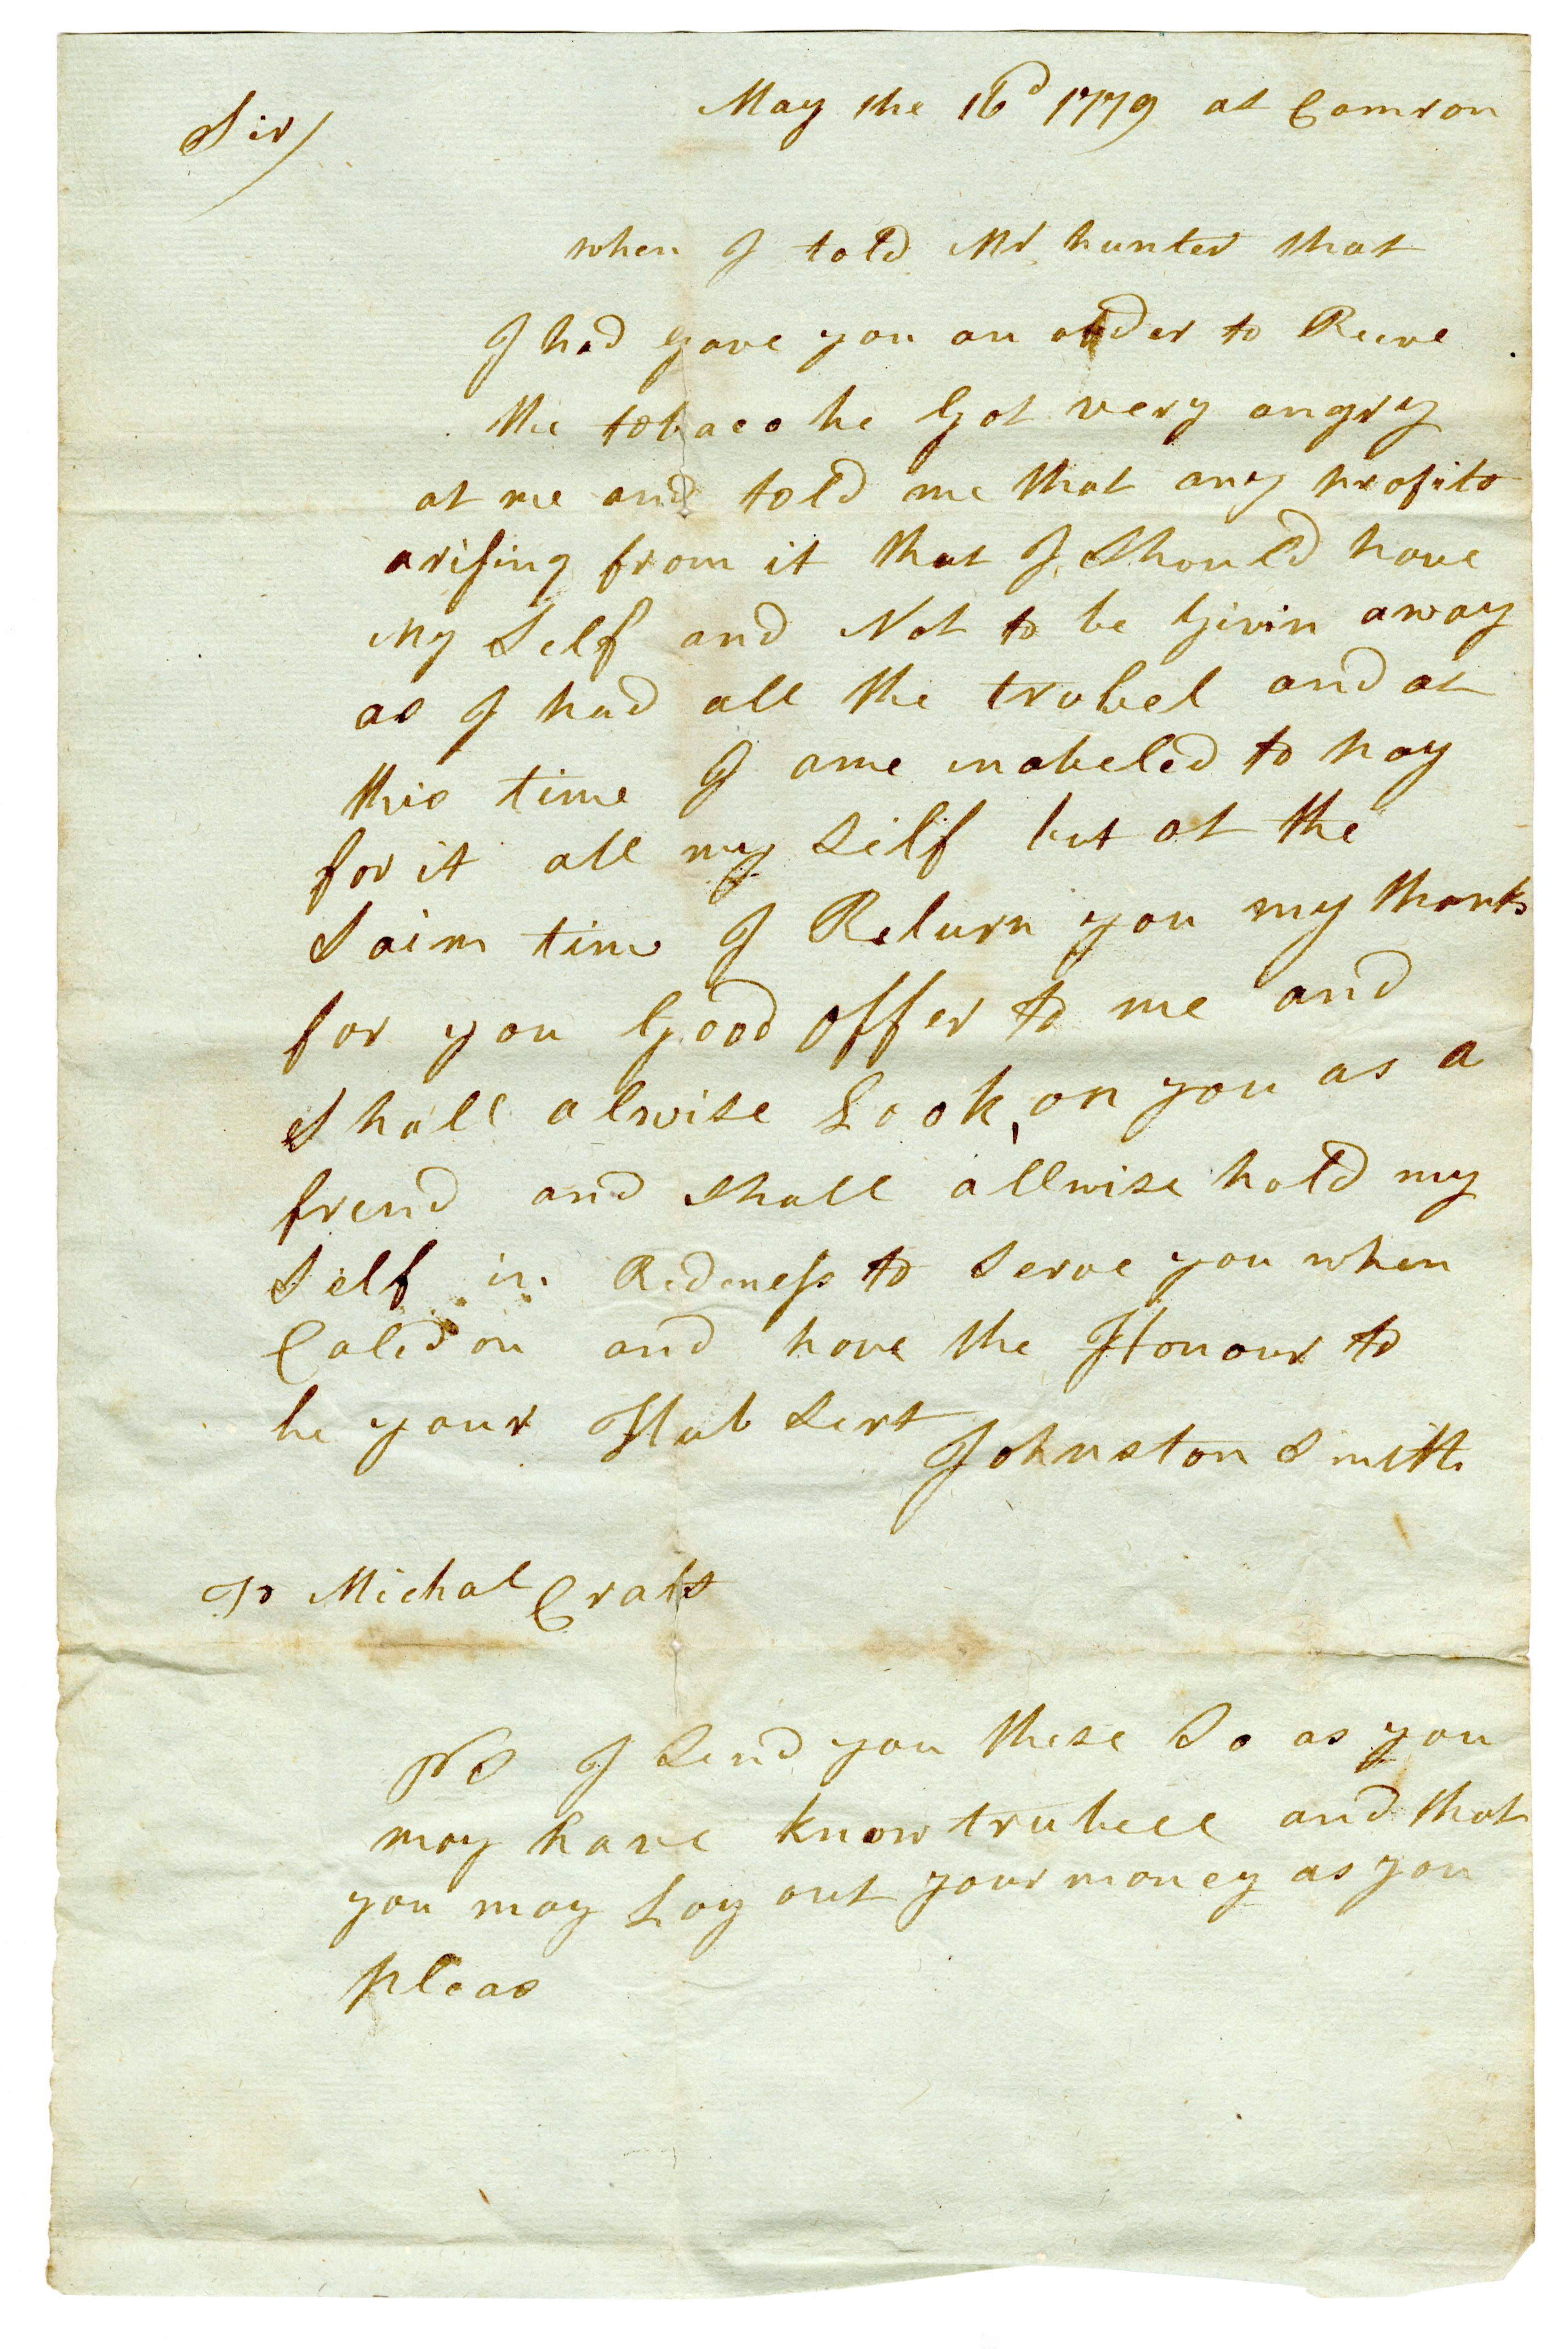May the 16^th. 1779 at Camron
Sir
when I told Mr hunter that
I had gave you an order to Reeve
the tobaco he Got very angryy
at me and told me that any profits
arising from it that I should have
my self and Not to be Givin away
as I had all the trobel and at
this time I ame inabeled to pay
for it all my silf but at the
saim tim I Return you my thank
for you Good offer to me and
shall alwise look on you as a
frend and shall allwise hold my
Self in Rediness to serve you when
Caled on and have the Honour to
be your Hub sert
Johnston Smith
To Michal Crats
PS I send you these so as you
may have know trubul and that
you may Lay out your money as you
pleas